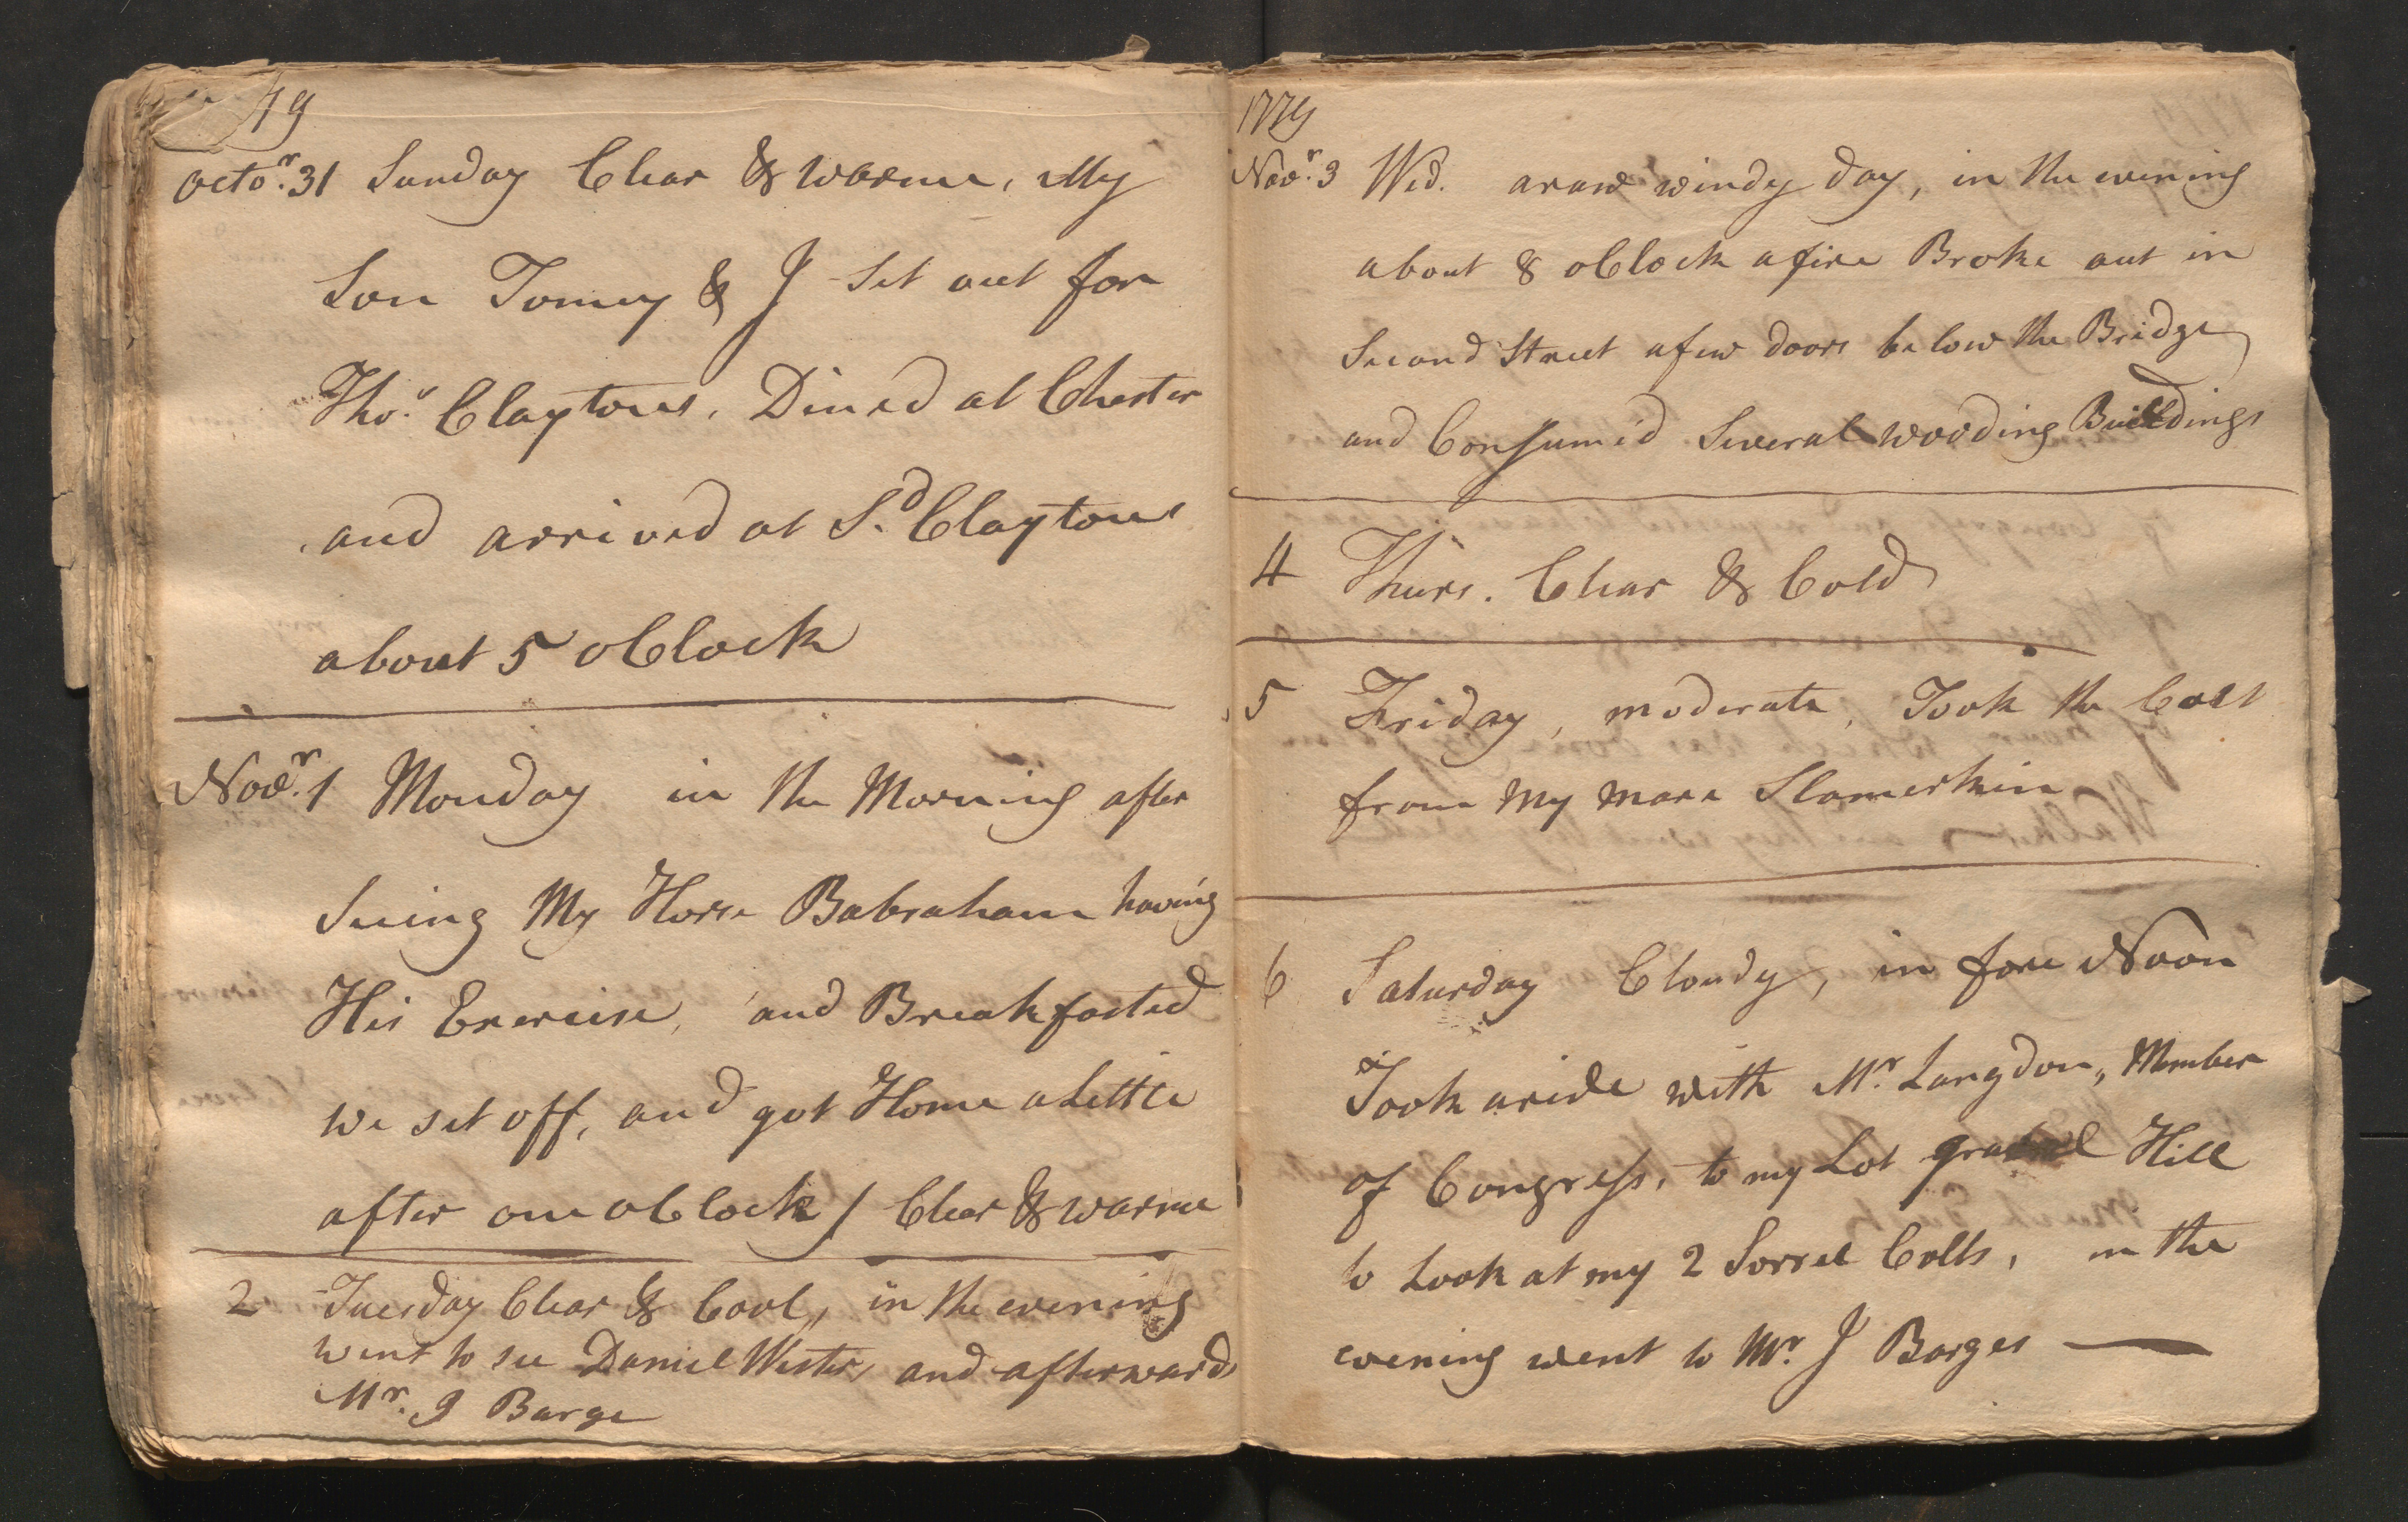79
Octo^r. 31 Sunday Clear & warme, My
Son Tomey & I set out for
Tho^s. Claytons. Dined at Chester
and arrived at S^d. Claytons
about 5 oClock
Nov^r. 1 Monday in the Morning after
seeing My Horse Babrahan having
His Exercise, and Breakfasted
we set off, and got Home a Little
after one oClock / Clear & warme
2 Tuesday Clear & Cool, in the evening
went to see Daniel Wester and afterward
M^r. J Barge
1779
Nov^r. 3 Wed. a raw windy day, in the evening
about 8 oClock a fire Broke out in
Second Street a few doors below the Bridge
and Consum'd Several Wooding Buildings
4 Thurs. Clear & Cold
5 Friday moderate Took the Colt
from My mare Slamerkin
6 Saturday Cloudy, in fore Noon
Took a ride with M^r. Langdon, Member
of Congress, to my Lot gravel Hill
to Look at my 2 Sorrel Colts, in the
evening went to M^r. J Barges-